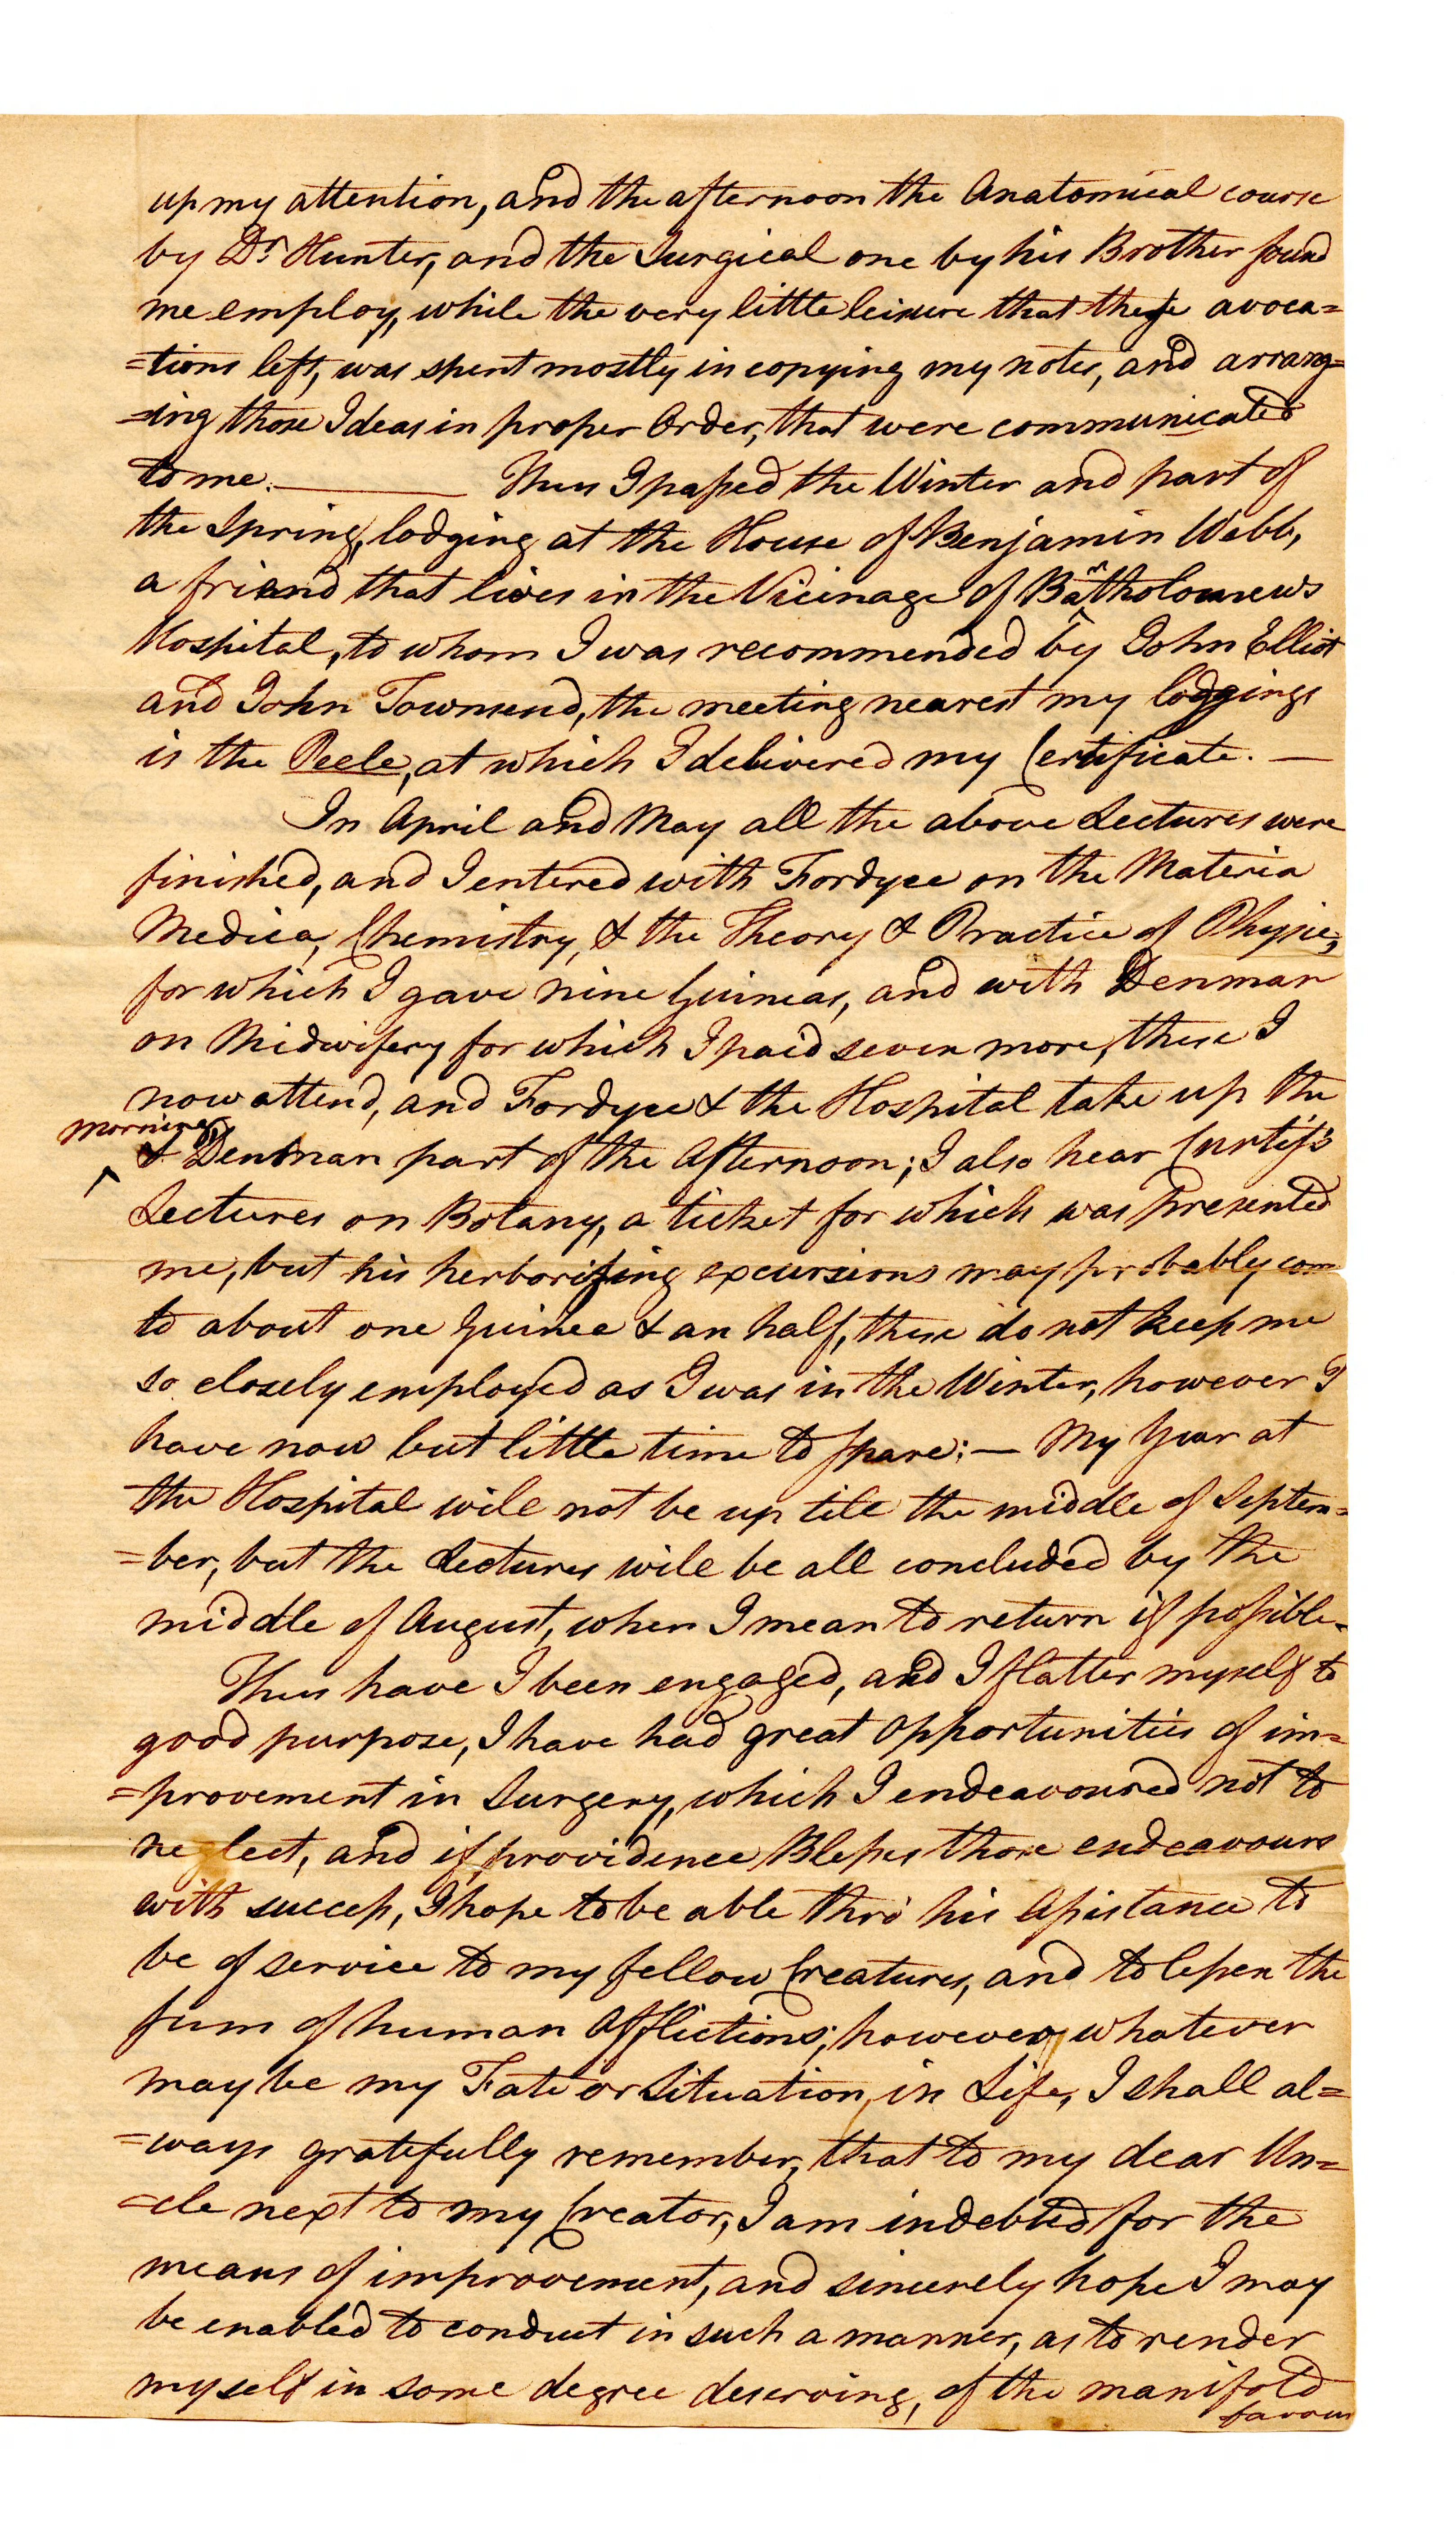up my attention, and the afternoon the Anatomical course
by D^r. Hunter, and the Surgical one by his Brother found
me employ, while the very little leisure that these avoca-
-tions left, was spent mostly in copying my notes, and arrang-
-ing those Ideas in proper Order, that were communicated
to me.- Then I passed the Winter and part of
the Spring, lodging at the House of Benjamin Webb,
a friend that lives in the Vicinage of Ba^rtholomews
Hospital, to whom I was recommended by John Elliot
and John Townsend, the meeting nearest my lodgings
in the Peele, at which I delivered my Certificate.-
In April and May all the above Lectures were
finished, and I entered with Fordyce on the Materia
Medica, Chemistry, & the Theory & Practice of Physic,
for which I gave nine Guineas, and with Denman
on Midwifery for which I paid seven more, these I
now attend, and Fordyce & the Hospital take up the
morning
& Denman part of the Afternoon; I also hear Curtis's
Lectures on Botany, a ticket for which was presented
me, but his herborizing excursions may probably com
to about one Guinea & an half, these do not keep me
so closely employed as I was in the Winter, however I
have now but little time to spare;- My year at
the Hospital will not be up till the middle of Septem-
-ber, but the Lectures will be all concluded by the
middle of August, when I mean to return if possible.
Thus have I been engaged, and I flatter myself to
good purpose, I have had great opportunities of im-
-provement in Surgery, which I endeavoured not to
neglect, and if providence Blesses those endeavours
with success, I hope to be able thro' his Assistance to
be of service to my fellow Creatures, and to lessen the
sum of human Afflictions; however whatever
may be my Fate or Situation in Life, I shall al-
-ways gratefully remember that to my dear Un-
-cle next to my Creator, I am indebted for the
means of improvement, and sincerely hope I may
be enabled to conduct in such a manner, as to render
myself in some degree deserving, of the maniold
favour